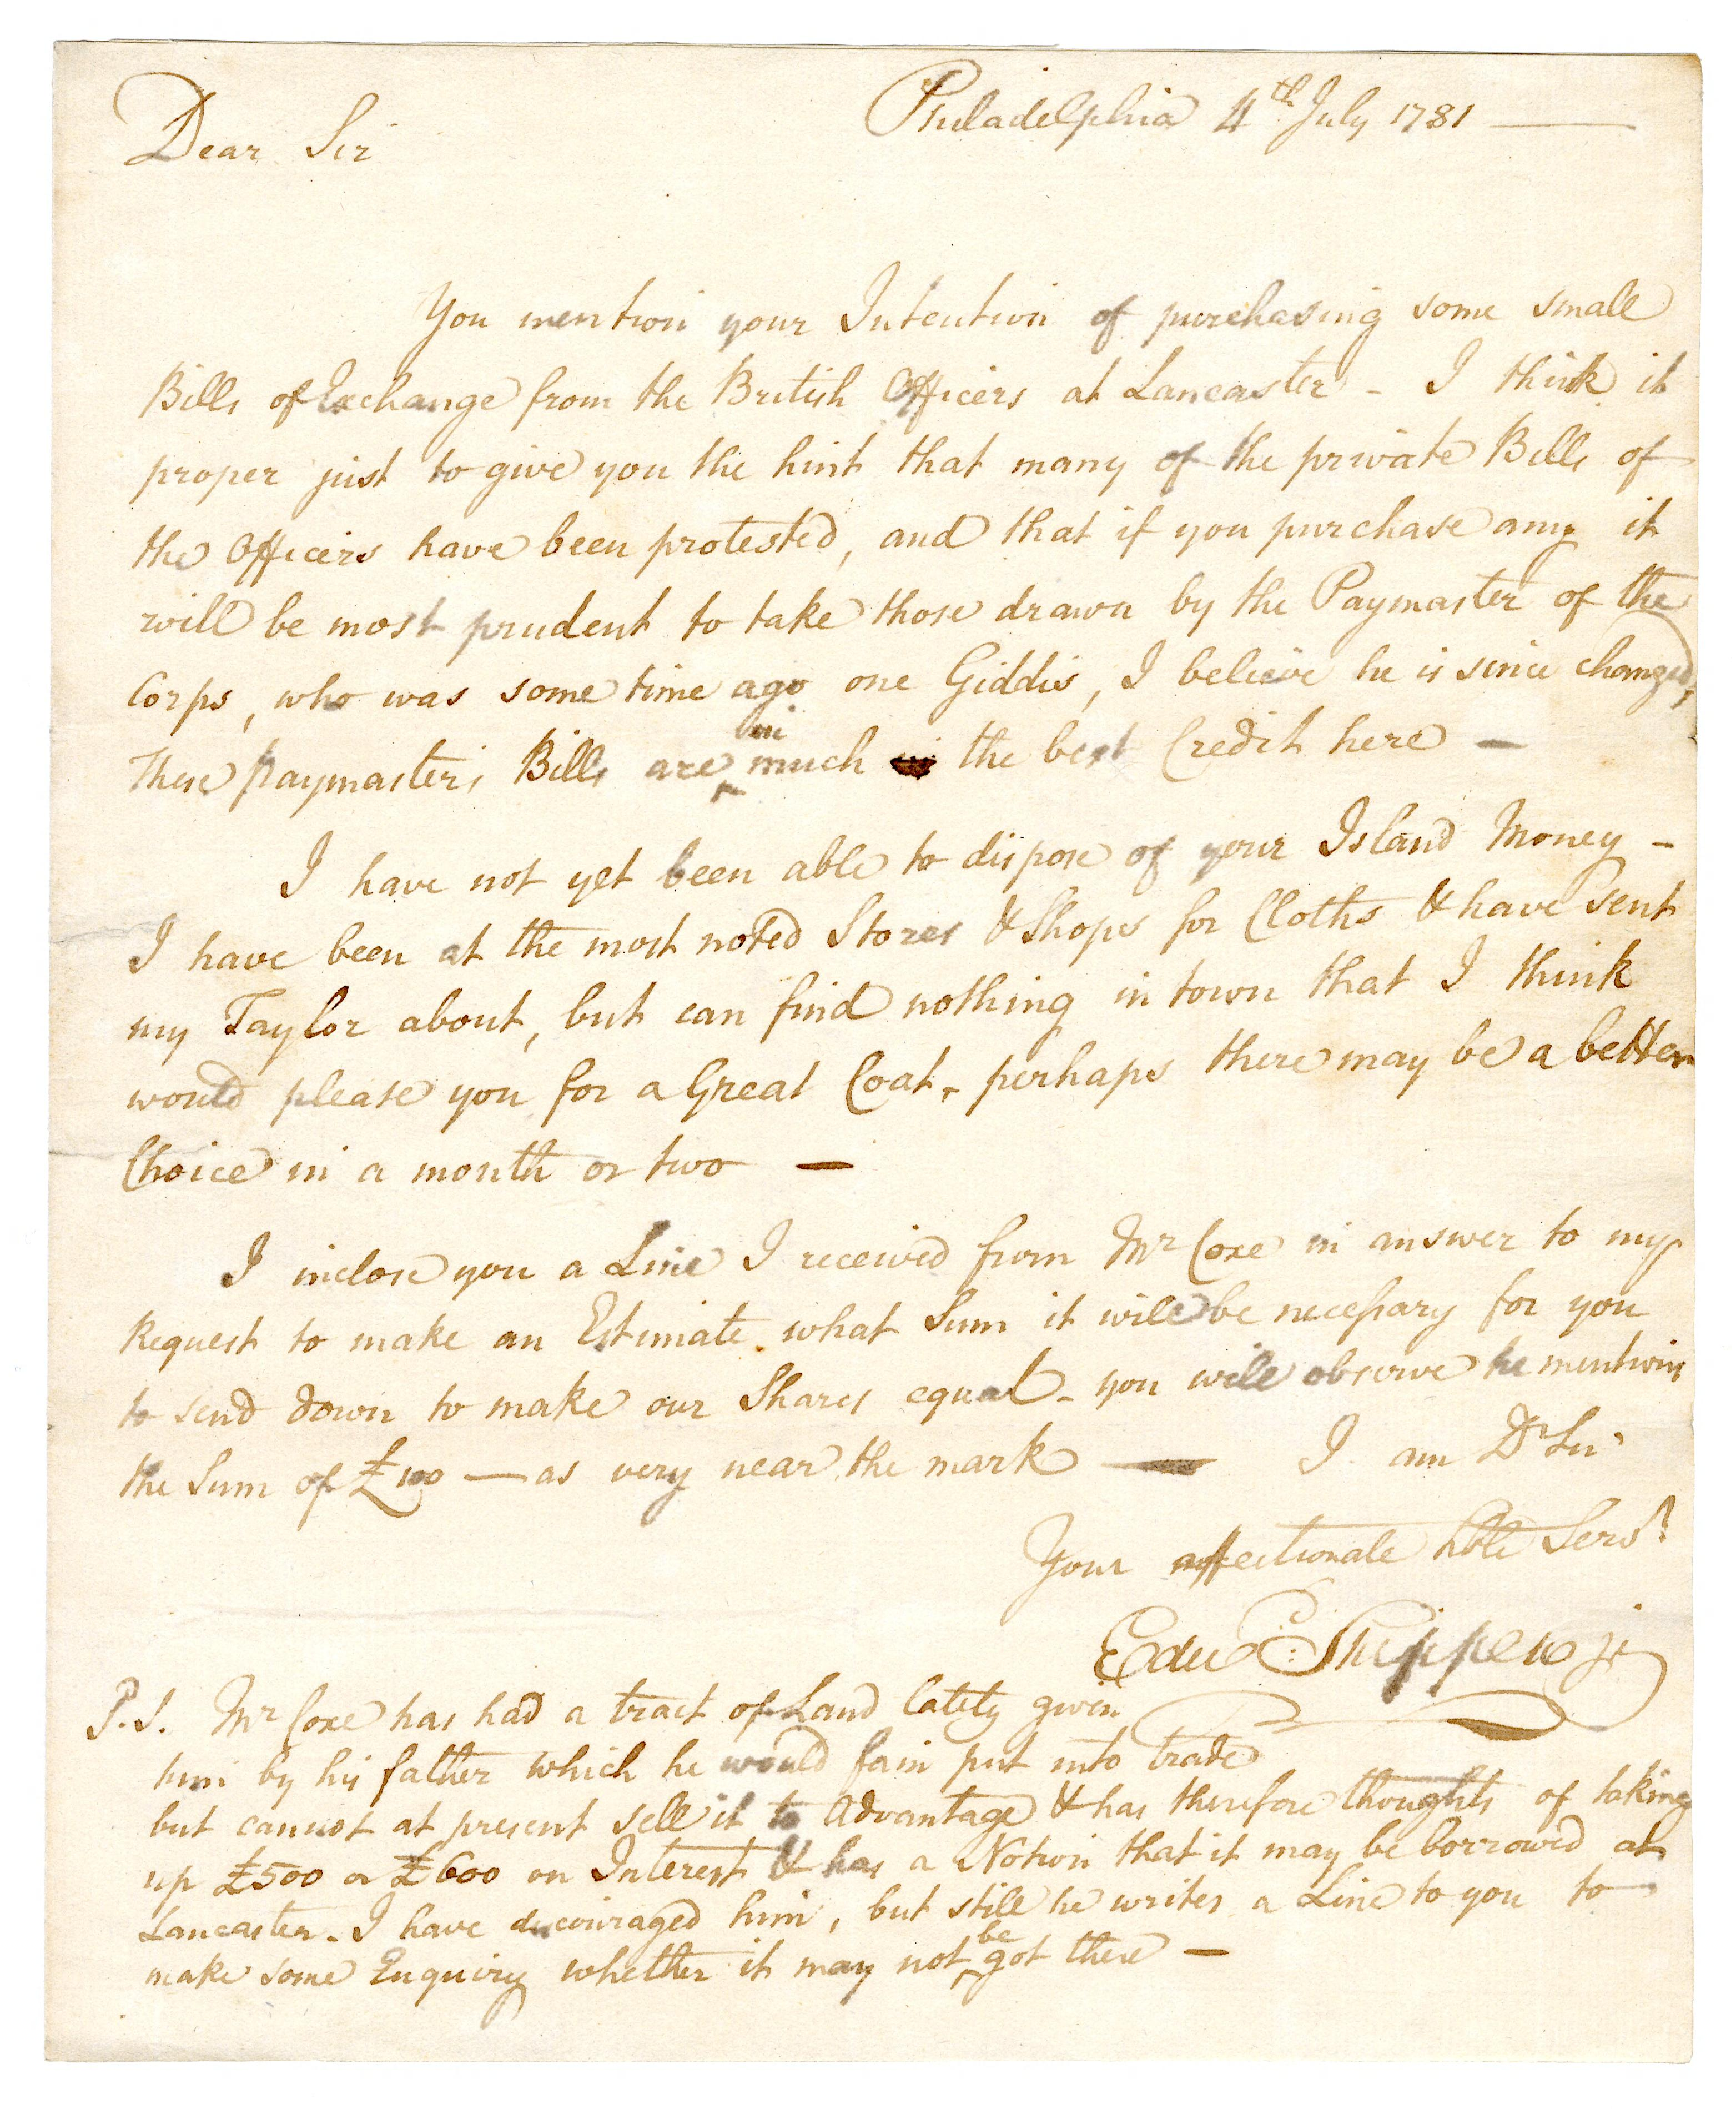Philadelphia 4^th July 1781
Dear Sir
You mention your Intention of purchasing some small
Bills of Exchange from the British Officers at Lancaster. I think it
proper just to give you the hint that many of the private Bills of
the Officers have been protested, and that if you purchase any, it
will be most prudent to take those drawn by the Paymaster of the
Corps, who was some time ago one Giddis, I believe he is since changed,
in
These paymasters Bills are ^ much the best Credit here
I have not yet been able to dispose of your Island money
I have been at the mort noted Stozer & Shops for Cloths & have sent
my Taylor about but can find nothing in town that I think
would please you for a Great Coat, perhaps there may be a better
Choice in a month or two
I inclose you a Line I received from M^r Coxe in answer to my
Request to make an Estimate what Sum it will be necessary for you
to send down to make our Shares equal. you will observe he mentions
the Sum of £100- as very near the mark
I am D^r Sir
Your affectionate hble Serv^t
Edw^d Shippen
P.S. M^r Coxe has had a trait of Land lately given
him by his father which he would fain put into trade
but cannot at present sell it to Advantage & has therefore thoughts of taking
up £500 or £600 on Interest & has a Notion that it may be borrowed at
Lancaster. I have discouraged him, but still he writes a Line to you to
be
make some Enquiry whether it may not ^ got there